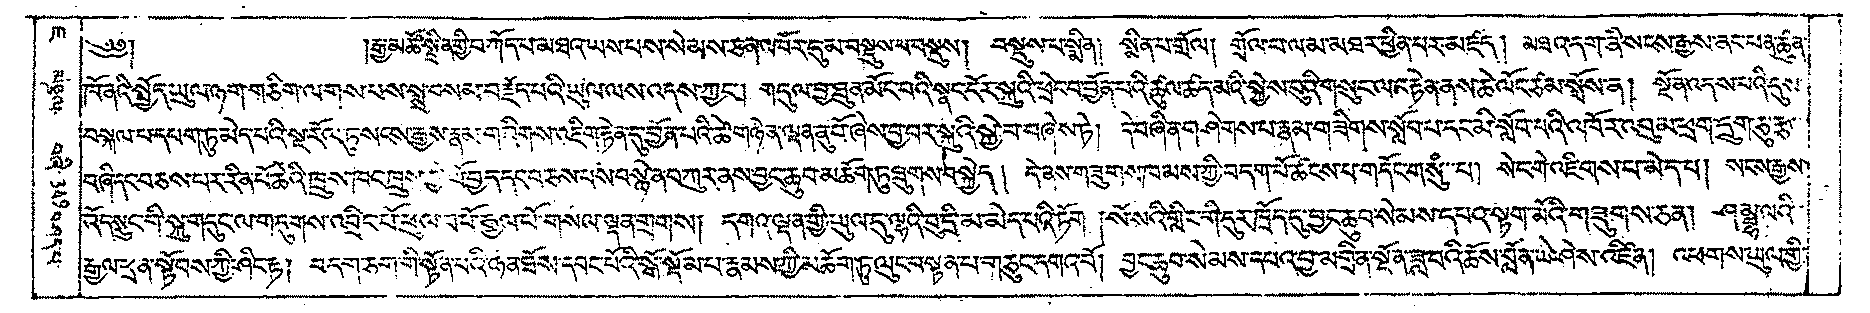༄༅། །རྒྱ་མཚོ་སྤྲིན་གྱི་བཀོད་པ་མཐའ་ཡས་པས་སེམས་ཅན་འཁོར་དུ་མ་བསྡུས་པ་བསྡུས། བསྡུས་པ་སྨིན། སྨིན་པ་གྲོལ། གྲོལ་བ་ལམ་མཐར་ཕྱིན་པར་མཛད། མཐའ་དག་ནི་སངས་རྒྱས་ནང་ཕན་ཚུན་
ཁོ་ནའི་སྤྱོད་ཡུལ་ཉག་གཅིག་ལགས་པས་སྨྲ་བསམ་བརྗོད་པའི་ཡུལ་ལས་འདས་ཀྱང་། གདུལ་བྱ་ཐུན་མོང་བའི་སྣང་ངོར་སྐུའི་ཕྲེང་བ་བྱོན་པའི་ཚུལ་ཚད་མའི་སྐྱེས་བུའི་གསུང་ལ་བརྟེན་ནས་ཆེ་ལོང་ཙམ་སློས་ན། སྔོན་འདས་པའི་དུས་
བསྐལ་པ་དཔག་ཏུ་མེད་པའི་སྔ་རོལ་ཏུ་སངས་རྒྱས་རྣམ་གཟིགས་འཇིག་རྟེན་དུ་བྱོན་པའི་ཚེ་གཉེན་ལྡན་ནུ་བོ་ཞེས་བྱ་བར་སྐུའི་སྐྱེ་བ་བཞེས་ཏེ། དེ་བཞིན་གཤེགས་པ་རྣམ་གཟིགས་སློབ་པ་དང་མི་སློབ་པའི་འཁོར་འབུམ་ཕྲག་དྲུག་ཅུ་རྩ་
བཞི་དང་བཅས་པར་རིན་པོ་ཆེའི་ཁྲུས་ཁང་ཁྲུས་ཀྱི་ཡོ་བྱད་དང་བཅས་པས་བསྙེན་བཀུར་ནས་བྱང་ཆུབ་མཆོག་ཏུ་ཐུགས་བསྐྱེད། དེ་ནས་གཟུགས་ཁམས་ཀྱི་བདག་པོ་ཚངས་པ་གདོང་གསུམ་པ། སེང་གེ་འཇིགས་པ་མེད་པ། སངས་རྒྱས་
འོད་སྲུང་གི་སྐུ་གདུང་ལ་གདུགས་འབྲིང་པོ་ཕུལ་བ་པོ་རྒྱལ་པོ་གསལ་ལྡན་གྲགས། དགའ་ལྡན་གྱི་ཡུལ་དུ་ལྷའི་བུ་དྲི་མ་མེད་པའི་ཏོག །སོ་སའི་གླིང་གི་དུར་ཁྲོད་དུ་བྱང་ཆུབ་སེམས་དཔའ་སྟག་མོའི་གཟུགས་ཅན། ཤམྦྷ་ལའི་
རྒྱལ་ཕྲན་སྟོབས་ཀྱི་ཤིང་རྟ། བདག་ཅག་གི་སྟོན་པའི་ཉན་ཐོས་དབང་པོའི་སྒོ་སྡོམ་པ་རྣམས་ཀྱི་མཆོག་ཏུ་ལུང་བསྟན་པ་གཅུང་དགའ་བོ། བྱང་ཆུབ་སེམས་དཔའ་བྱ་མགྲིན་སྔོན་ཟླ་བའི་ཆོས་བློན་ཡེ་ཤེས་འཛིན། འཕགས་ཡུལ་གྱི་